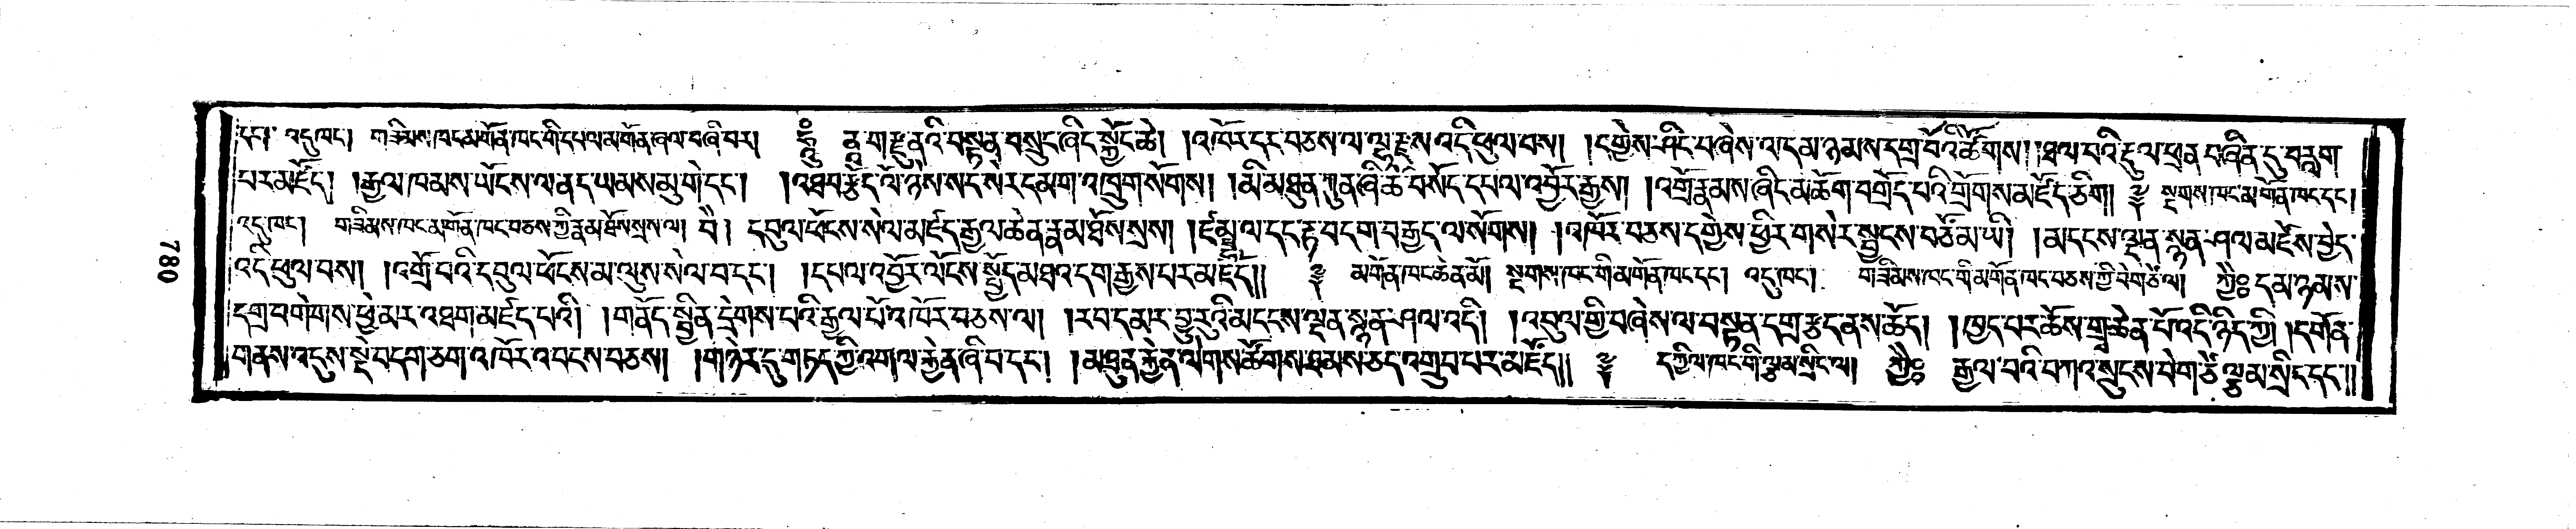དང་། འདུ་ཁང་། གཟིམས་ཁང་མགོན་ཁང་གི་དཔལ་མགོན་ཞལ་བཞི་བར། ཧཱུཾ་ནཱ་ག་རྫུ་ནའི་བསྟན་བསྲུང་ཞིང་སྐྱོང་ཆེ། །འཁོར་དང་བཅས་ལ་ལྷ་རྫས་འདི་ཕུལ་བས། །དགྱེས་ཤིང་བཞེས་ལ་དམ་ཉམས་དགྲ་བོའི་ཚོགས། །ཐལ་བའི་རྡུལ་ཕྲན་བཞིན་དུ་བརླག་
བར་མཛོད། །རྒྱལ་ཁམས་ཡོངས་ལ་ནད་ཡམས་མུ་གེ་དང་། །འཐབ་རྩོད་ལོ་ཉེས་སང་སེར་དམག་འཁྲུག་སོགས། །མི་མཐུན་ཀུན་ཞི་ཚེ་བསོད་དཔལ་འབྱོར་རྒྱས། །འགྲོ་རྣམས་ཞིང་མཆོག་བགྲོད་པའི་གྲོགས་མཛོད་ཅིག། ༈ སྔགས་ཁང་མགོན་ཁང་དང་།
འདུ་ཁང་། གཟིམས་ཁང་མགོན་ཁང་བཅས་ཀྱི་རྣམ་ཐོས་སྲས་ལ། བཻ། དབུལ་ཕོངས་སེལ་མཛད་རྒྱལ་ཆེན་རྣམ་ཐོས་སྲས། །ཛམྦྷ་ལ་དང་རྟ་བདག་བརྒྱད་ལ་སོགས། །འཁོར་བཅས་དགྱེས་ཕྱིར་གསེར་སྦྱངས་བཙོམ་ཡི། །མདངས་ལྡན་སྙན་ཤལ་མཛོས་བྱེད་
འདི་ཕུལ་བས། །འགྲོ་བའི་དབུལ་ཕོངས་མ་ལུས་སེལ་བ་དང་། །དཔལ་འབྱོར་ལོངས་སྤྱོད་མཐའ་དག་རྒྱས་པར་མཛོད།། ༈ མགོན་ཁང་ཆེན་མོ། སྔགས་ཁང་གི་མགོན་ཁང་དང་། འདུ་ཁང་། གཟིམས་ཁང་གི་མགོན་ཁང་བཅས་ཀྱི་བེག་ཙེ་ལ། ཀྱཻཿ དམ་ཉམས་
དགྲ་བགེགས་ཕྱེ་མར་འཐག་མཛད་པའི། །གནོད་སྦྱིན་དྲེགས་པའི་རྒྱལ་པོ་འཁོར་བཅས་ལ། །རབ་དམར་བྱུ་རུའི་མདངས་ལྡན་སྙན་ཤལ་འདི། །འབུལ་གྱི་བཞེས་ལ་བསྟན་དགྲ་རྩད་ནས་ཆོད། །ཁྱད་པར་ཆོས་གྲྭ་ཆེན་པོ་འདི་ཉིད་ཀྱི། །དགོན་
གནས་འདུས་སྡེ་བདག་ཅག་འཁོར་འབངས་བཅས། །གཉེར་དུ་གཏད་ཀྱི་འགལ་རྐྱེན་ཞི་བ་དང་། །མཐུན་རྐྱེན་ལེགས་ཚོགས་ཐམས་ཅད་འགྲུབ་པར་མཛོད།། ༈ དཀྱིལ་ཁང་གི་ལྕམ་སྲིང་ལ། ཀྱཻཿ རྒྱལ་བའི་བཀའ་སྲུངས་བེག་ཙེ་ལྕམ་སྲིང་དང།།